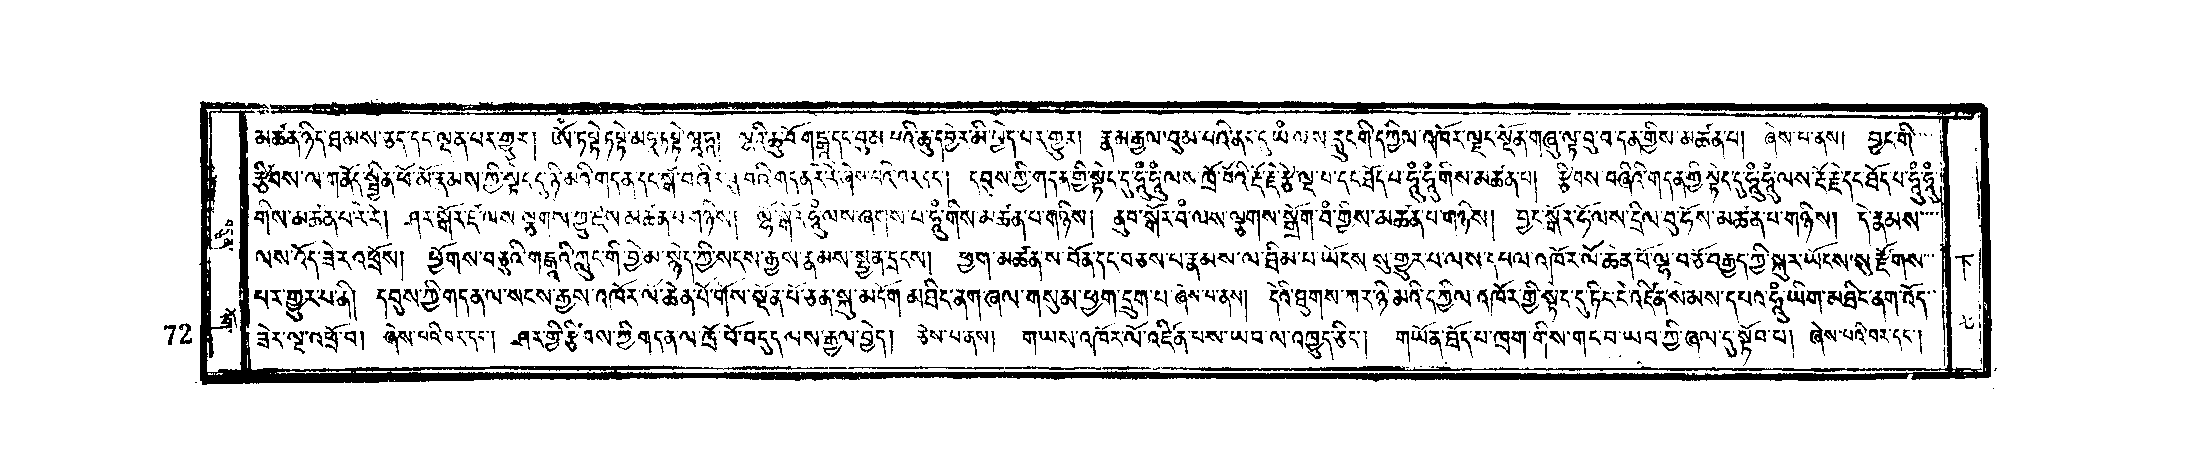མཚན་ཉིད་ཐམས་ཅད་དང་ལྡན་པར་གྱུར། ཨོཾ་ཏཔྟེ་ཏཔྟེ་མཧཱ་ཏཔྟེ་སྭཱཧཱ། ལྷའི་ཆུ་བོ་གངྒཱ་དང་བུམ་པའི་ཆུ་དབྱེར་མི་ཕྱེད་པར་གྱུར། རྣམ་རྒྱལ་བུམ་པའི་ནང་དུ་ཡཾ་ལས་རླུང་གི་དཀྱིལ་འཁོར་ལྗང་སྔོན་གཞུ་ལྟ་བུ་བ་དན་གྱིས་མཚན་པ། ཞེས་པ་ནས། བྱང་གི་
རྩིབས་ལ་གནོད་སྦྱིན་ཕོ་མོ་རྣམས་ཀྱི་སྟེང་དུ་ཉི་མའི་གདན་དང་སྒོ་བཞིར་ཟླ་བའི་གདན་རེ་རེ་ཞེས་པའི་བར་དང་། དབུས་ཀྱི་གདན་གྱི་སྟེང་དུ་ཧཱུཾ་ཧཱུཾ་ལས་ཁྲོ་བོའི་རྡོ་རྗེ་རྩེ་ལྔ་པ་དང་ཐོད་པ་ཧཱུཾ་ཧཱུཾ་གིས་མཚན་པ། རྩིབས་བཞིའི་གདན་གྱི་སྟེང་དུ་ཧཱུཾ་ཧཱུཾ་ལས་རྡོ་རྗེ་དང་ཐོད་པ་ཧཱུཾ་ཧཱུཾ་
གིས་མཚན་པ་རེ་རེ། ཤར་སྒོར་ཛ་ལས་ལྕགས་ཀྱུ་ཛས་མཚན་པ་གཉིས། ལྷོ་སྒོར་ཧཱུཾ་ལས་ཞགས་པ་ཧཱུཾ་གིས་མཚན་པ་གཉིས། ནུབ་སྒོར་བཾ་ལས་ལྕགས་སྒྲོག་བཾ་གྱིས་མཚན་པ་གཉིས། བྱང་སྒོར་ཧོ་ལས་དྲིལ་བུ་ཧོས་མཚན་པ་གཉིས། དེ་རྣམས་
ལས་འོད་ཟེར་འཕྲོས། ཕྱོགས་བཅུའི་གངྒཱའི་ཀླུང་གི་བྱེ་མ་སྙེད་ཀྱི་སངས་རྒྱས་རྣམས་སྤྱན་དྲངས། ཕྱག་མཚན་ས་བོན་དང་བཅས་པ་རྣམས་ལ་ཐིམ་པ་ཡོངས་སུ་གྱུར་པ་ལས་དཔལ་འཁོར་ལོ་ཆེན་པོ་ལྷ་བཅོ་བརྒྱད་ཀྱི་སྐུར་ཡོངས་སུ་རྫོགས་
པར་གྱུར་པ་ནི། དབུས་ཀྱི་གདན་ལ་སངས་རྒྱས་འཁོར་ལོ་ཆེན་པོ་གོས་སྔོན་པོ་ཅན་སྐུ་མདོག་མཐིང་ནག་ཞལ་གསུམ་ཕྱག་དྲུག་པ་ཞེས་པ་ནས། དེའི་ཐུགས་ཀར་ཉི་མའི་དཀྱིལ་འཁོར་གྱི་སྟེང་དུ་ཏིང་ངེ་འཛིན་སེམས་དཔའ་ཧཱུཾ་ཡིག་མཐིང་ནག་འོད་
ཟེར་ལྔ་འཕྲོ་བ། ཞེས་པའི་བར་དང་། ཤར་གྱི་རྩིབས་ཀྱི་གདན་ལ་ཁྲོ་བོ་བདུད་ལས་རྒྱལ་བྱེད། ཅེས་པ་ནས། གཡས་འཁོར་ལོ་འཛིན་པས་ཡབ་ལ་འཁྱུད་ཅིང་། གཡོན་ཐོད་པ་ཁྲག་གིས་གང་བ་ཡབ་ཀྱི་ཞལ་དུ་སྟོབ་པ། ཞེས་པའི་བར་དང་།